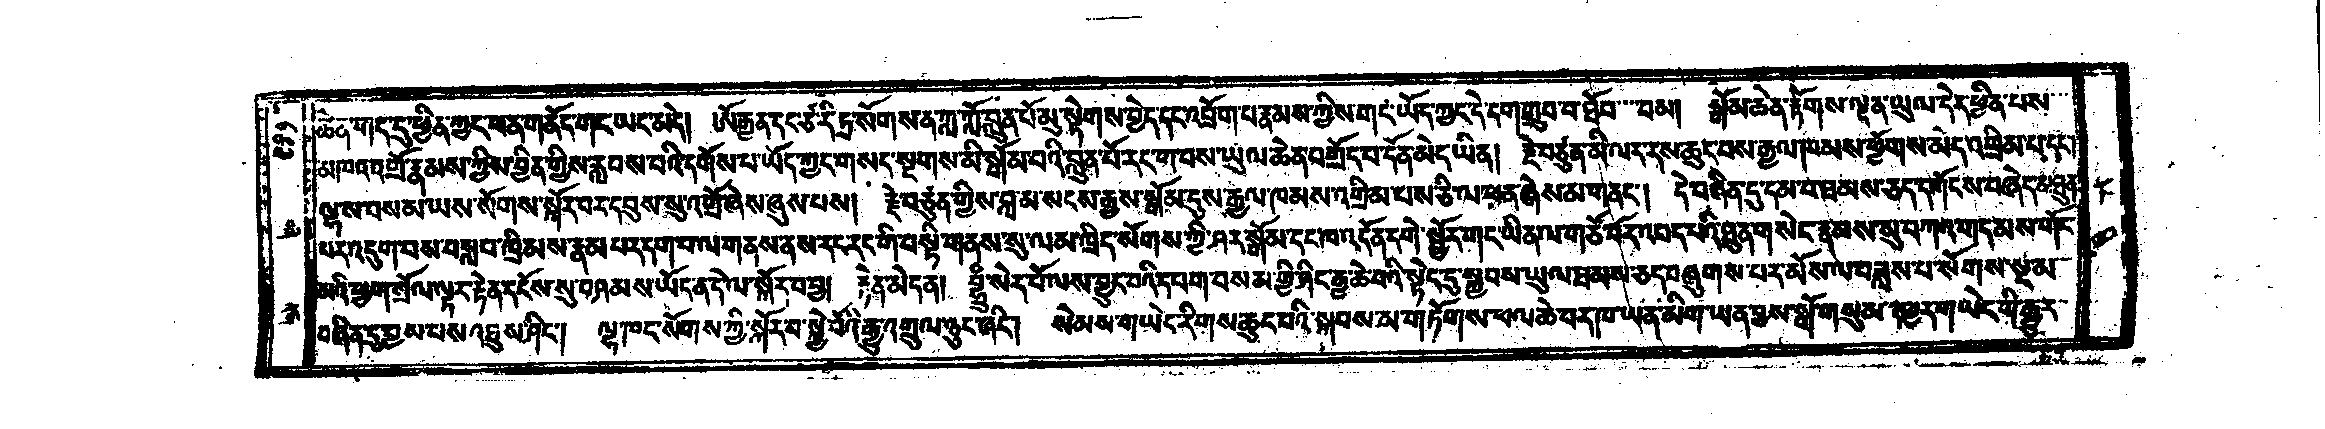ཆེན་གང་དུ་ཕྱིན་ཀྱང་ཕན་གནོད་གང་ཡང་མེད། ཨོ་རྒྱན་དང་ཙ་རི་ཏྲ་སོགས་ན་ཀླ་ཀློ་བླུན་པོ་མུ་སྟེགས་བྱེད་དང་འབྲོག་པ་རྣམས་ཀྱིས་གང་ཡོད་ཀྱང་དེ་དག་གྲུབ་པ་ཐོབ་བམ། སྒོམ་ཆེན་རྟོགས་ལྡན་ཡུལ་དེར་ཕྱིན་པས་
མཁའ་འགྲོ་རྣམས་ཀྱིས་བྱིན་གྱིས་རླབས་པའི་དགོས་པ་ཡོད་ཀྱང་གསང་སྔགས་མི་སྒོམ་པའི་བླུན་པོ་རང་ག་བས་ཡུལ་ཆེན་བགྲོད་པ་དོན་མེད་ཡིན། རྗེ་བཙུན་མི་ལར་རས་ཆུང་བས་རྒྱལ་ཁམས་ཕྱོགས་མེད་འགྲིམ་པ་དང་།
ལྷ་ས་བསམ་ཡས་སོགས་སྐོར་བར་དབུས་སུ་འགྲོ་ཞེས་ཞུས་པས། རྗེ་བཙུན་གྱིས་བླ་མ་སངས་རྒྱས་སྒོམ་དུས་རྒྱལ་ཁམས་འགྲིམ་པས་ཅི་ལ་ཕན་ཞེས་མ་གནང་། དེ་བཞིན་དུ་དམ་པ་ཐམས་ཅད་དགོངས་བཞེད་མཐུན་
པར་འདུག་པས་བསླབ་ཁྲིམས་རྣམ་པར་དག་པ་ལ་གནས་ནས་རང་རང་གི་བསྟི་གནས་སུ་ལམ་ཁྲིད་སོགས་ཀྱི་ཤར་སྒོམ་དང་ཁ་འདོན་དགེ་སྦྱོར་གང་ཡིན་ལ་གཙོ་བོར་འབད་པའི་ཐུན་གསེང་རྣམས་སུ་བཀའ་གདམས་གོང་
མའི་ཕྱག་སྲོལ་ལྟར་རྟེན་དངོས་སུ་བཤམས་ཡོད་ན་དེ་ལ་སྐོར་བ་བྱ། རྟེན་མེད་ན། བྷྲུཾ་སེར་པོ་ལས་བྱུང་བའི་དཔག་བསམ་གྱི་ཤིང་རྒྱ་ཆེ་བའི་སྟེང་དུ་སྐྱབས་ཡུལ་ཐམས་ཅད་བཞུགས་པར་མོས་ལ་བཟླས་པ་སོགས་སྔ་མ་
བཞིན་དུ་བྱས་པས་འཐུས་ཤིང་། ལྷ་ཁང་སོགས་ཀྱི་སྐོར་བ་སྐྱེ་བོའི་རྒྱུ་འགྲུལ་ཉུང་ཞིང་། སེམས་གཡེང་རིགས་ཆུང་བའི་སྐབས་མ་གཏོགས་ཕལ་ཆེ་བར་ཁ་ཡན་མིག་ཡན་བྱས་སྒོ་གསུམ་འཕྱར་གཡེང་གི་རྒྱུར་